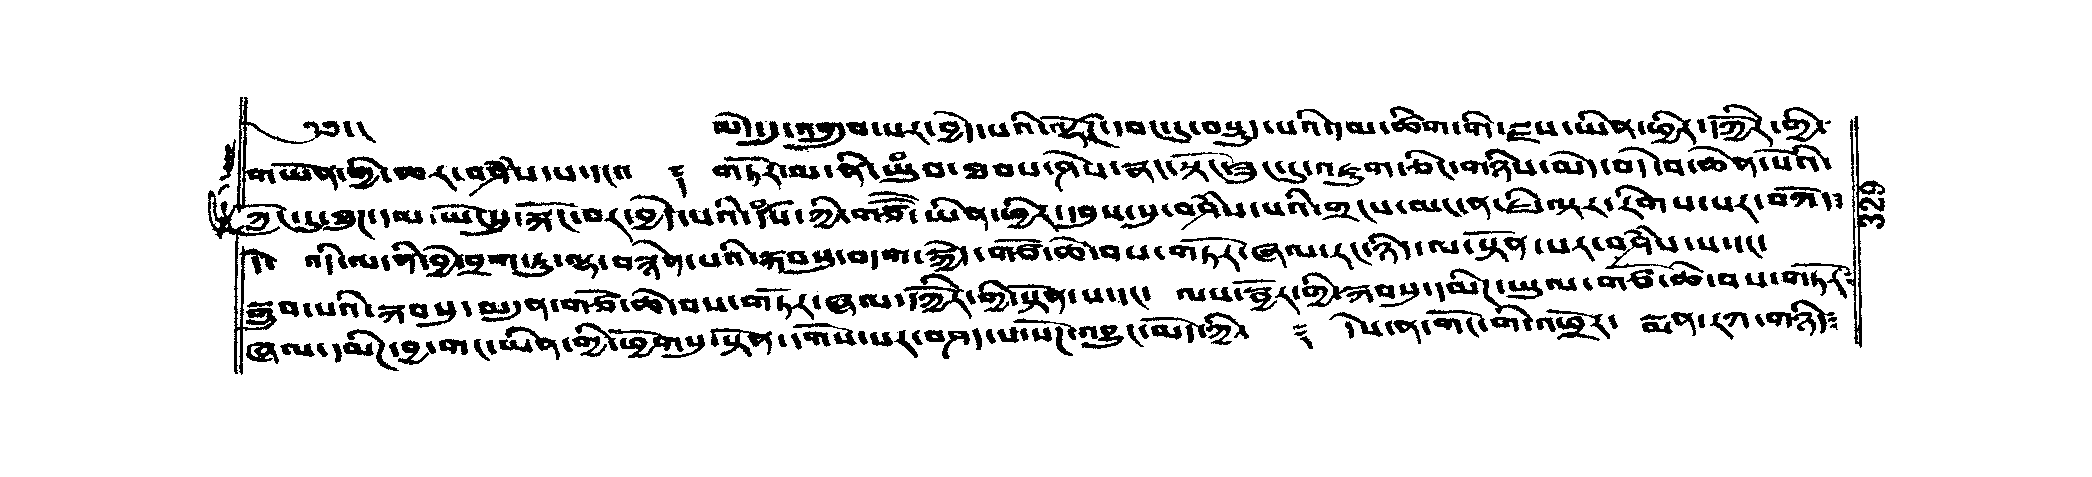མེད་དུ་འགྲུབ་པར་བྱེད་པའི་ལྷ་ཚོགས་དབང་དུ་བསྡུད་པའི་དམ་ཚིག་གི་རྫས་ཡིན་ཕྱིར་དཀྱིལ་འཁོར་གྱི་
གཡོན་གྱི་ཆར་བཤམས་པ་དང་། ༈ གཏོར་མ་ནི་ཡབ་ཡུམ་ཐབས་ཤེས་སྣང་སྟོང་ཟུང་དུ་འཇུག་ཅིང་གཉིས་མེད་བདེ་བ་ཆེན་པོའི་
ཀློང་དུ་ཐུགས་དམ་ཡོངས་སུ་སྐོང་བར་བྱེད་པའི་དམ་རྫས་ཀྱི་གཙོ་བོ་ཡིན་ཕྱིར་དབུས་སུ་བཤམས་པའི་གྲངས་མང་ན་ཇི་ལྟར་རིགས་པར་བཀོད་
དེ། འདི་ལ་ནི་བྱེ་བྲག་ཏུ་ལྷ་བསྙེན་པའི་སྐབས་སུ་བདག་བསྐྱེད་གཙོ་ཆེ་བས་གཏོར་ཞལ་རང་ཉིད་ལ་སྟོན་པར་བཤམས་པ་དང་། 
སྒྲུབ་པའི་སྐབས་སུ་མདུན་གཙོ་ཆེ་བས་གཏོར་ཞལ་དཀྱིལ་འཁོར་གྱི་སྟོན་པ་དང་། ལས་སྦྱོར་ཀྱི་སྐབས་སུ་དམིགས་ཡུལ་གཙོ་ཆེ་བས་གཏོར་
ཞལ་དམིགས་བྱ་གང་ཡིན་གྱི་ཕྱོགས་སུ་སྟོན་དགོས་པར་བཤད་པ་སོགས་འབྱུང་མོད་ཀྱི། ༈ དེས་ན་གོང་་གི་འཕྲོར། སྨན་རཀ་གཉིས་